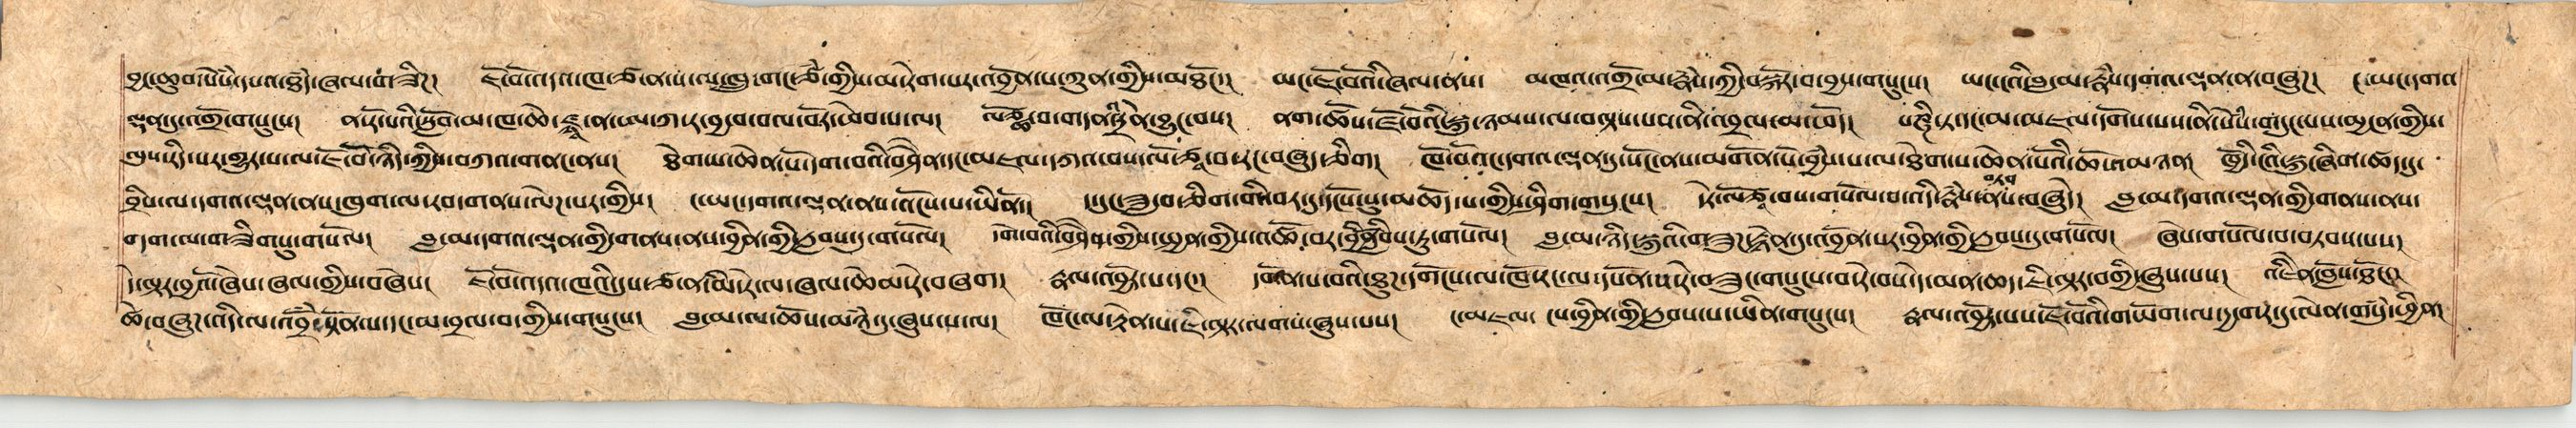བྱང་ཆུབ་སེཾས་དཔའ་ཐཾད་ཞལ་གཟིཌ། ཇོ་བོ་འདའ་ཁ་ཙ་ན་ས་ལ་ཁྲུ་གང་ཙཾ་གྱིས་མ་རེག་པར་འབྱོན་པ་ཀུན་གྱིས་མཐོང་། ཡང་ཇོ་བོའི་ཞལ་ནས། མཁའ་འགྲོ་མ་རྣཾས་ཀྱི་བསྐོར་བ་བྱས་གསུངས། ཡང་ངའི་བླ་མ་རྣཾས་དགའ་ལྡན་ན་བཞུཌ། ང་ཡང་དགའ
ལྡན་དུ་འགྲོ་གསུངས། ན་རོ་པའི་སློབ་མ་ཁ་ཆེ་ཛྙ་ན་ཨ་ཀ་ར་བྱ་བ་བལ་བོར་ཕེབ་པ་ལ། ལོཙྪ་བ་གདན་འདྲེན་བྱུང་བས། ནག་ཚོས་ཇོ་བོའི་སྐུ་ཉམས་ལ་བལྟས་པས་ནི་འབྲལ་མ་ཕོད། པཎྜི་ཏའང་མ་མཇལ་དགོས་པས་ནི་སེཾས་གདུང་པས་མྱ་ངན་གྱིས་
ལུས་རིད་པར་གྱུར་པ་ལ་ཇོ་བོ་ཉིད་ཀྱིས་བཀའ་གནང་ནས། ཐེག་པ་ཆེན་པོ་དགེ་བའི་བཤཻན་དང་མཇལ་དཀའ་བས་ལོ་ཙཱ་བ་རང་བཞུད་ཅིག། ཁོ་བོའང་དགའ་ལྡན་དུ་སོང་ནས་མགོན་པོ་བྱཾས་པ་ལ་ཐེག་པ་ཆེན་པོའི་ཆོས་མཉན། ཁྱོདི་ངའི་སྐུ་ཞིག་ཚད་དུ་
བྲིས་ལ་དགའ་ལྡན་ནས་ཁུག་ལ་རབ་གནས་ལེཌ་པར་གྱིས། ང་ཡང་དགའ་ལྡན་ནས་འོངས་པ་ཡིནོ་། ད་དུང་ཟླ་བ་ཅིག་གི་བར་དུ་དངོས་སུ་མཆོད་པ་གྱིས་ཤིག་གསུངས། དེར་ལོ་ཙཱ་བས་གསོལ་བ་འདི་རྣཾས་བཏབ་ནས་བཞུདེ། བླ་མ་དགའ་ལྡན་གྱི་གནས་ནས་
བདག་ལ་གཟིགསུ་གསོལ། བླ་མ་དགའ་ལྡན་གྱི་གནས་ནས་བྱིན་གྱི་རླབས་དུ་གསོལ། དགེ་བའི་བཤཻན་གྱིས་སྤྱན་གྱིས་འཚོ་བར་བྱིནྱིརླབས་ཏུ་གསོལ། བླ་མ་ཉིད་སྐུའི་གཟུཌ་རྙེན་དུ་འབྱོན་པར་བྱིན་གྱི་རླབས་དུ་གསོལ། ཞེས་གསོལ་བ་བཏབས་པས།
དེ་ལྟར་བྱའོ་ཞེས་ཞལ་གྱིས་བཞེས། ཇོ་བོ་འདའ་ཁའི་དུས་ཙ་ན་མི་རེ་ལ་ཞལ་ཆེམ་རེ་བཞག། རྣལ་འབྱོར་པ་དང་། དགོན་པ་བའི་ཐུཌ་དགོངས་ལ་ཁོ་རང་ལ་དཔོན་ས་རེ་བཟུང་གསུངས་བ་རེ་བས་དེ་མན་ཆད་ཇི་ལྟར་བགྱི་ཞུས་པས། འཇིེན་བློས་ཐོང་།
ཚེ་གཞུཌ་འདི་ལ་འབྲོཾ་སྟོན་པ་དང་མ་བྲལ་བ་གྱིས་གསུངས། བླ་མ་ལ་ཆོས་མཉཾ་དུ་ཞུས་པ་ལ། ཁོང་ལ་རྟེན་པ་ཇི་ལྟར་ལགས་ཞུས་པས། ང་མཇལ་ངས་བྱིན་གྱི་རླབས་པ་ཡིན་གསུངས། རྣལ་འབྱོར་པས་ཇོ་བོའི་གཡོག་ལ་དྱ་གར་དུ་ལེན་གསུཾ་ཕྱིན།